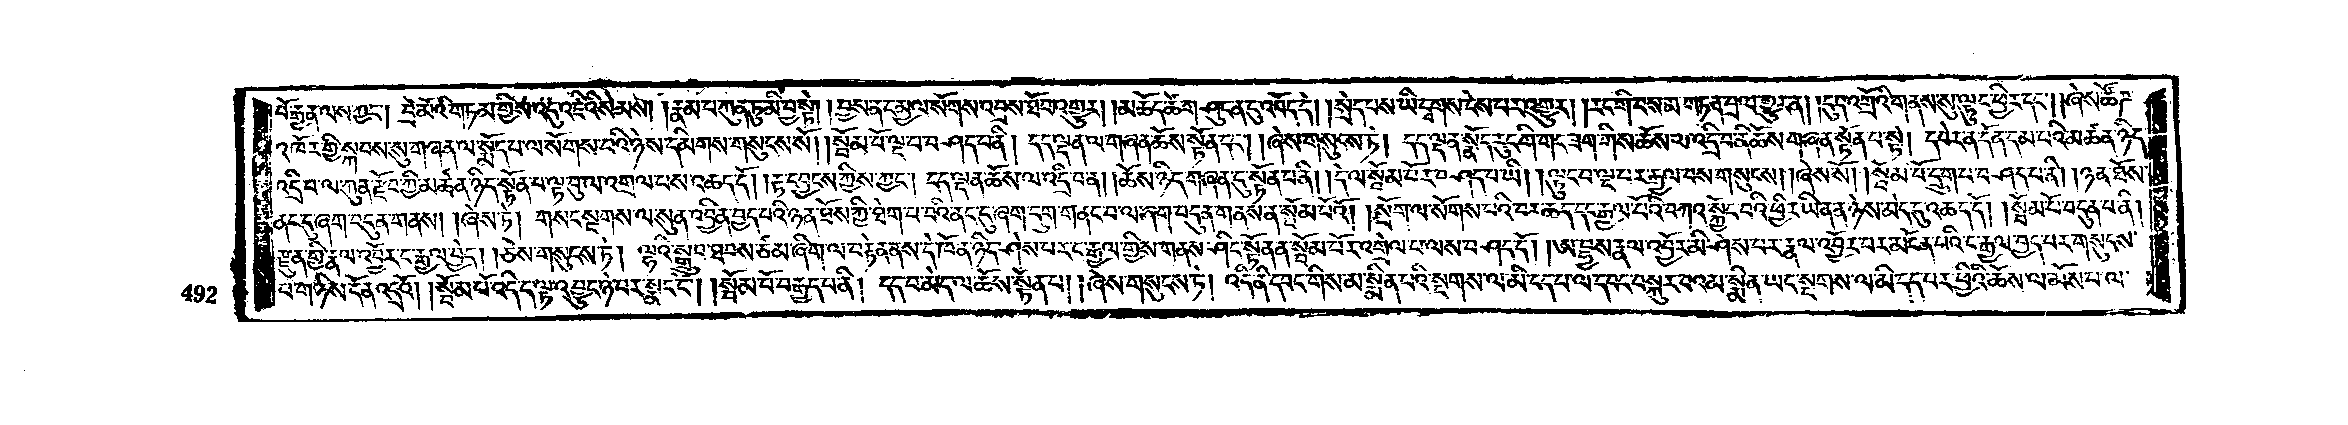པོ་རྒྱན་ལས་ཀྱང་། བྲེ་མོའི་གཏམ་གྱིས་འདུ་འཛིའི་སེམས། །རྣམ་པ་ཀུན་ཏུ་མི་བྱ་སྟེ། །བྱས་ན་དམྱལ་སོགས་འབྲས་ཐོབ་འགྱུར། །མཆོད་ཚེ་གཤུང་ན་དུ་འབོད་དེ། །སྲེད་པས་ཡི་དྭགས་ངེས་པར་འགྱུར། །རང་གི་བསམ་གཏན་བྲལ་གྱུར་ན། །དུད་འགྲོའི་གནས་སུ་ལྟུང་ཕྱིར་དང་། །ཞེས་ཚོགས་
འཁོར་གྱི་སྐབས་སུ་གཞན་ལ་སྨོད་པ་ལ་སོགས་པའི་ཉེས་དམིགས་གསུངས་སོ། །སྦོམ་པོ་ལྔ་པ་བཤད་པ་ནི། དད་ལྡན་ལ་གཞན་ཆོས་སྟོན་དང་། །ཞེས་གསུངས་ཏེ། དད་ལྡན་སྣོད་རུང་གི་གང་ཟག་གིས་ཆོས་ལ་འདྲི་བ་ནི་ཆོས་གཞན་སྟོན་པ་སྟེ། དཔེར་ན་དོན་དམ་པའི་མཚན་ཉིད་
འདྲི་བ་ལ་ཀུན་རྫོབ་ཀྱི་མཚན་ཉིད་སྟོན་པ་ལྟ་བུ་ལ་འགྲེལ་པས་མཆད་དོ། །རྟ་དབྱངས་ཀྱིས་ཀྱང་། དད་ལྡན་ཆོས་ལ་འདྲི་བ་ན། །ཆོས་ཉིད་གཞན་དུ་སྟོན་པ་ནི། དེ་ལ་སྦོམ་པོར་བཤད་པ་ཡི། །ལྟུང་བ་ལྔ་པར་རྒྱལ་བས་གསུངས། ཞེས་སོ། །སྦོམ་པོ་དྲུག་པ་བཤད་པ་ནི། ཉན་ཐོས་
ནང་དུ་ཞག་བདུན་གནས། །ཞེས་ཏེ། གསང་སྔགས་ལ་སུན་འབྱིན་བྱད་པའི་ཉན་ཐོས་ཀྱི་ཐེག་པ་བའི་ནང་དུ་ཞག་དུག་གནང་བ་ལ་ཞག་བདུན་གནས་ན་སྦོམ་པོའོ། །སྤོག་ལ་སོགས་པའི་བར་ཆད་དང་རྒྱལ་པོའི་བཀའ་སྐྱོང་བའི་ཕྱིར་ཡིན་ན་ཉེས་མེད་དུ་འཆད་དོ། །སྦོམ་པོ་བདུན་པ་ནི།
རྫུན་གྱི་རྣལ་འབྱོར་ང་རྒྱལ་བྱེད། །ཅེས་གསུངས་ཏེ། ལྷའི་སྒྲུབ་ཐབས་ཙམ་ཞིག་ལ་བརྟེན་ནས་དེ་ཁོ་ན་ཉིད་ཤེས་པར་ང་རྒྱལ་གྱིས་གནས་ཤིང་སྟོན་ན་སྦོམ་པོར་འགྲེལ་པ་ལས་བཤད་དོ། །ཨ་བྷྱས་རྣལ་འབྱོར་མི་ཤེས་པར་རྣལ་འབྱོར་པར་མངོན་པའི་ང་རྒྱལ་བྱད་པར་གསུངས་
པ་གཉིས་དོན་འདྲའོ། །སྦོམ་པོ་འདི་ད་ལྟ་འབྱུང་ཉེ་བར་སྣང་ངོ། །སྦོམ་པོ་བརྒྱད་པ་ནི། དད་པ་མེད་ལ་ཆོས་སྟོན་པ། །ཞེས་གྒྶུངས་ཏེ། འདི་ནི་དབང་གིས་མ་སྨིན་པའི་སྔགས་ལ་མི་ངད་པ་ལ་དབང་བསྐུར་བའམ་སྨིན་ཡང་སྔགས་ལ་མི་དད་པར་ཕྱིའི་ཆོས་ལ་ཨམོས་པ་ལ་